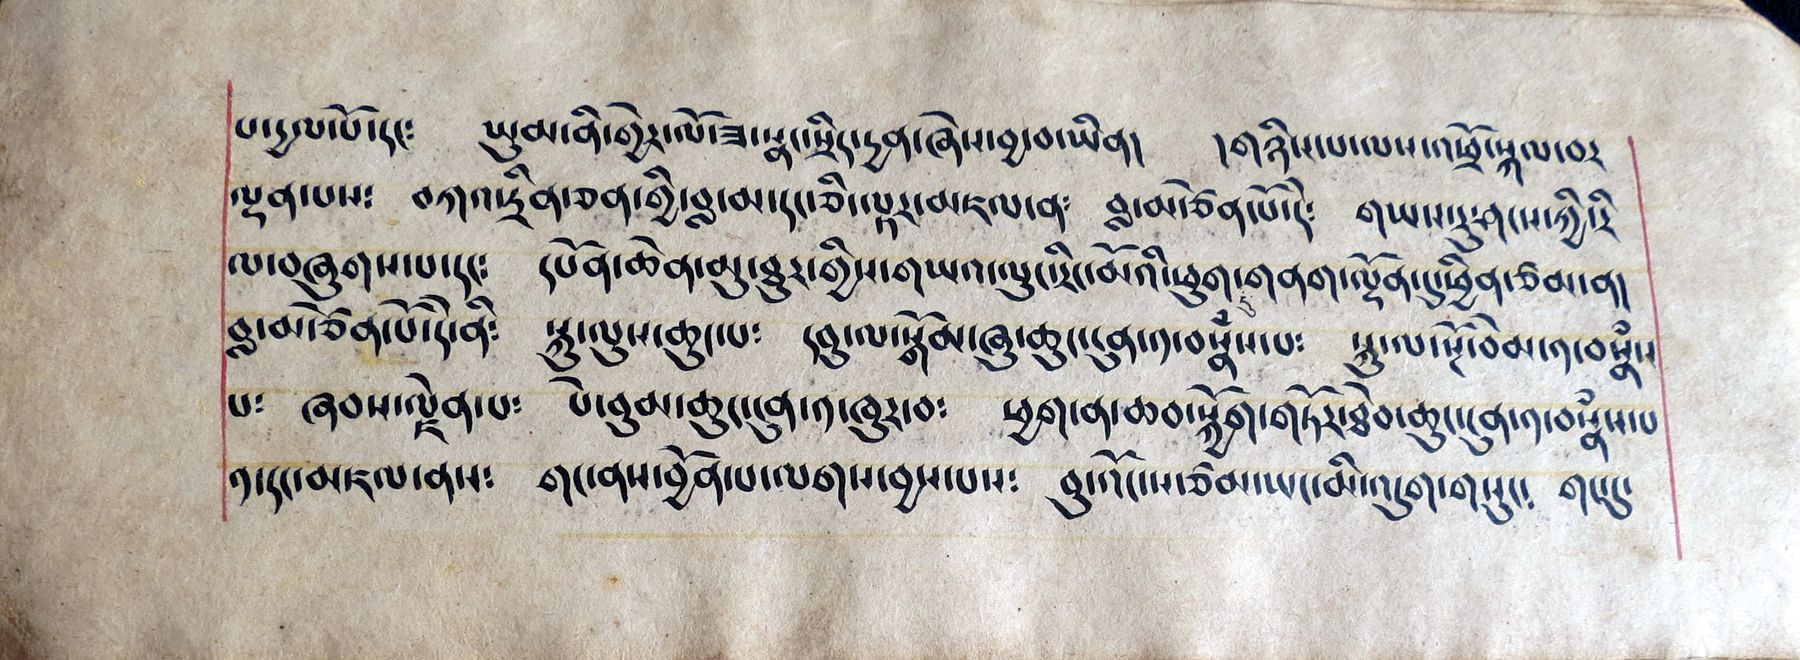པའི་རྒྱལ་པོ་དང་། ཡུམ་ནི་གྱེར་ལོ་བཟའ་སྣང་སྲིད་རྒྱན་ཞེས་བྱ་བ་ཡིན། གཉིས་པ་ལས་འཕྲོ་དང་སྐལ་པར་
ལྡན་པས། བཀའ་དྲིན་ཅན་གྱི་བླ་མ་དང་ཅི་ལྟར་མཇལ་ན། བླ་མ་བཙན་པོ་དེ་གཡས་རུ་ཤངས་ཀྱི་རི་
ལ་བཞུགས་པ་དང་། དཔོན་ཆེན་མུ་ཐུར་གྱིས་གཡའ་ལུང་རིང་མོའི་ཕུག་ཏུ་གནག་༼གཡག་འདོན་༽ལྡོན་དུ་ཕྱིན་ཙམ་ན། 
བླ་མ་བཙན་པོ་དེ། སྐུ་ལུས་ཆུང་བ་དབུ་ལ་སྒོམ་ཞུ་ཆུང་ངུན་ཅིག་མནབས་པས། སྐུ་ལ་སྔོ་བེམ་ཅིག་མནབས་
པ། ཞབས་རྗེན་པ། དཔེ་བུམ་ཆུང་ངུན་ཅིག་ཁུར་བ། ཕྱག་ན་ཆབ་སྐྱོག་གཏོར་ཐེབ་ཆུང་ངུན་ཅིག་བསྣམས་པ་
གཅིག་དང་མཇལ་ནས། གང་ནས་བྱོན་པ་ལགས་བྱས་པས། བུ་འོངས་ས་ཙམ་ཡང་མི་འདུག་གསུངས། གང་དུ་